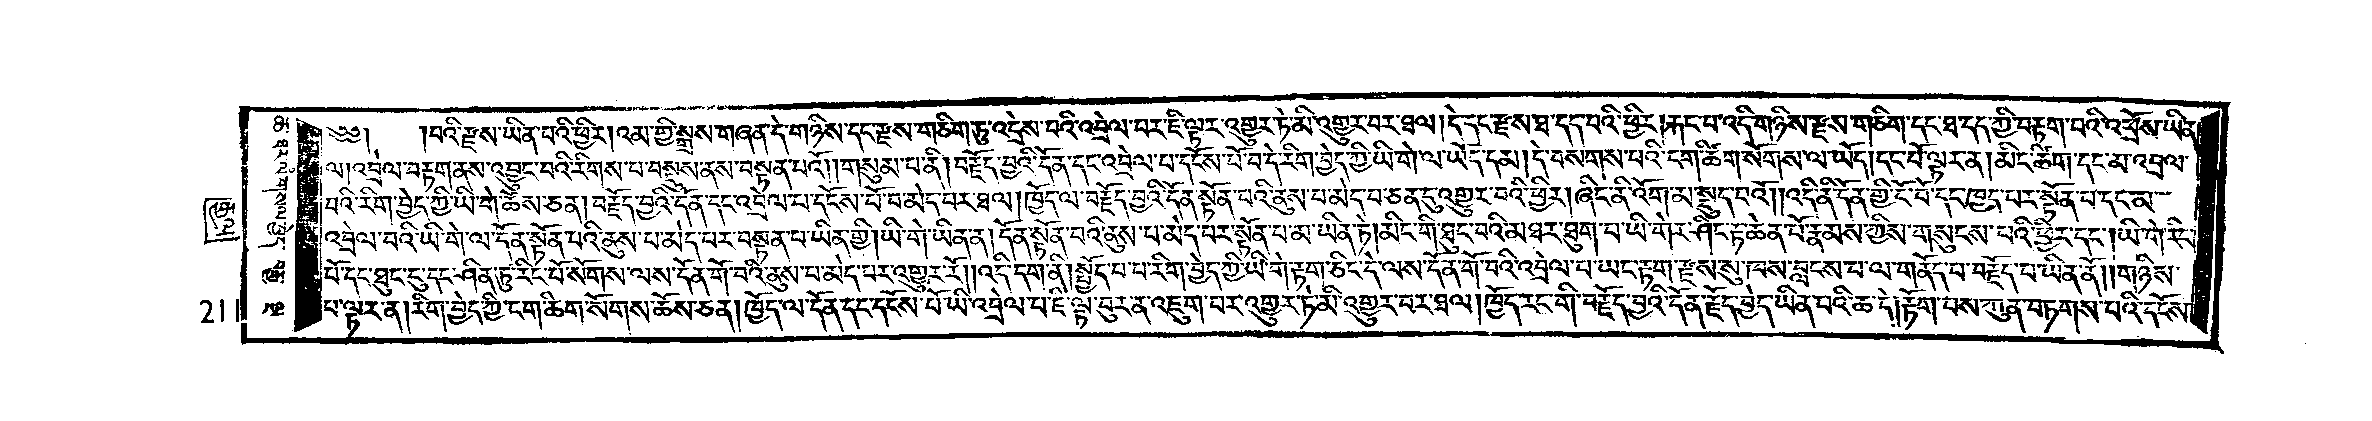༄༅། །པའི་རྫས་ཡིན་པའི་ཕྱིར། འམ་གྱི་སྒྲས་གཞན་དེ་གཉིས་དང་རྫས་གཅིག་ཏུ་འདྲེས་པའི་འབྲེལ་པར་ཇི་ལྟར་འགྱུར་ཏེ་མི་འགྱུར་བར་ཐལ། དེ་དང་རྫས་ཐ་དད་པའི་ཕྱིར། རྐང་པ་འདི་གཉིས་རྫས་གཅིག་དང་ཐ་དད་ཀྱི་བརྟག་པའི་འཕྲོས་ཡིན་
ལ། འབྲེལ་བརྟག་ནས་འབྱུང་བའི་རིགས་པ་བསྡུས་ནས་བསྟན་པའོ། །གསུམ་པ་ནི། བརྗོད་བྱའི་དོན་དང་འབྲེལ་པ་དངོས་པོ་བ་དེ་རིག་བྱེད་ཀྱི་ཡི་གེ་ལ་ཡོད་དམ། དེ་བསགས་པའི་ངག་ཚིག་སོགས་ལ་ཡོད། དང་པོ་ལྟར་ན། མིང་ཚིག་དང་མ་འབྲལ་
བའི་རིག་བྱེད་ཀྱི་ཡི་གེ་ཆོས་ཅན། བརྗོད་བྱའི་དོན་དང་འབྲེལ་པ་དངོས་པོ་བ་མེད་པར་ཐལ། ཁྱོད་ལ་བརྗོད་བྱའི་དོན་སྟོན་པའི་ནུས་པ་མེད་པ་ཅན་དུ་འགྱུར་བའི་ཕྱིར། ཞིང་ནི་འོག་མ་སྡུད་པའོ། །འདི་ནི་དོན་གྱི་ངོ་བོ་དང་ཁྱད་པར་སྟོན་པ་དང་མ་
འབྲེལ་བའི་ཡི་གེ་ལ་དོན་སྟོན་པའི་ནུས་པ་མེད་པར་བསྟན་པ་ཡིན་གྱི། ཡི་གེ་ཡིན་ན། དོན་སྟོན་པའི་ནུས་པ་མེད་པར་སྟོན་པ་མ་ཡིན་ཏེ། མིང་གི་ཐུང་བའི་མཐར་ཐུག་པ་ཡི་གེར་ཤིང་རྟ་ཆེན་པོ་རྣམས་ཀྱིས་གསུངས་པའི་ཕྱིར་དང་། ཡི་གེ་རིང་
པོ་དང་ཐུང་ངུ་དང་ཤིན་ཏུ་རིང་པོ་སོགས་ལས་དོན་གོ་བའི་ནུས་པ་མེད་པར་འགྱུར་རོ། །འདི་དག་ནི། སྤྱོད་པ་པ་རིག་བྱེད་ཀྱི་ཡི་གེ་རྟག་ཅིང་དེ་ལས་དོན་གོ་བའི་འབྲེལ་པ་ཡང་རྟག་རྫས་སུ་ཁས་བླངས་པ་ལ་གནོད་པ་བརྗོད་པ་ཡིན་ནོ། །གཉིས་
པ་ལྟར་ན། རིག་བྱེད་ཀྱི་ངག་ཚིག་སོགས་ཆོས་ཅན། ཁྱོད་ལ་དོན་དང་དངོས་པོ་ཡི་འབྲེལ་པ་ཇི་ལྟ་བུར་ན་འཇུག་པར་འགྱུར་ཏེ་མི་འགྱུར་བར་ཐལ། ཁྱོད་རང་གི་བརྗོད་བྱའི་དོན་རྗོད་བྱེད་ཡིན་པའི་ཆ་དེ། རྟོག་པས་ཀུན་བཏགས་པའི་དངོས་